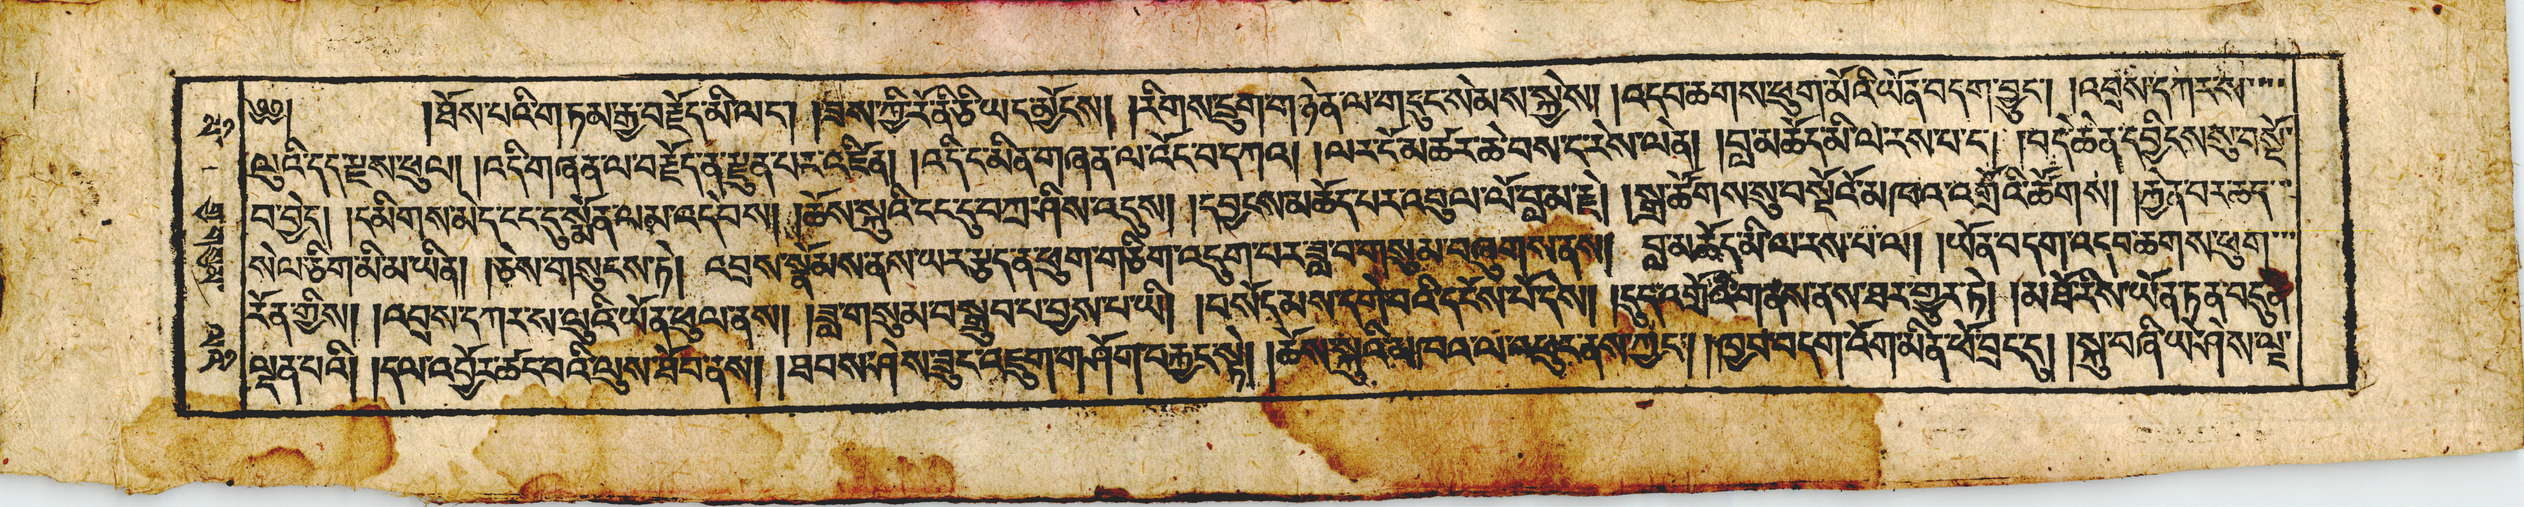ཐོས་པའིགཏམ་རྒྱ་བརྗོད་མི་ལང་། །ཟས་ཀྱི་རོ་ནི་ཅི་ཡང་མྱོངས། །རིགས་དྲུག་གཉེན་ལ་གདུང་སེམས་སྐྱེས། །འདབ་ཆགས་ཕུག་མོའི་ཡོན་བདག་བྱུང་། །འབྲས་དཀར་ས་
ལུའི་དད་རྫས་ཕུལ། །འདི་གཞན་ལ་བརྗོད་ན་རྫུན་པར་འཛིན། །འདི་ང་མིན་གཞན་ལ་འོང་བ་དཀའ། །ལར་ངོ་མཚར་ཆེ་བས་ད་རེས་ལེན། །བླ་མཆོད་མི་ལ་རས་པ་ང་། །བདེ་ཆེན་དབྱིངས་སུ་བསྔོ་
བ་བྱེད། །དམིགས་མེད་ངང་དུ་སྨོན་ལམ་འདེབས། །ཆོས་སྐུའི་ངང་དུ་བཀྲ་ཤིས་འདུས། །དབྱངས་མཆོད་པར་འབུལ་ལོ་བླ་མ་རྗེ། །སྒྲ་ཚོགས་སུ་བསྔོའོ་མཁའ་འགྲོའི་ཚོགས། །རྐྱེན་བར་ཆད་
སེལ་ཅིག་མི་མ་ཡིན། །ཅེས་གསུངས་ཏེ། འབྲས་སྣོམས་ནས་ཡར་རྩད་ན་ཕུག་གཅིག་འདུག་པར་ཟླ་བ་གསུམ་བཞུགས་ནས། བླ་མཆོད་མི་ལ་རས་པ་ལ། །ཡོན་བདག་འདབ་ཆགས་ཕུག་
རོན་གྱིས། །འབྲས་དཀར་ས་ལུའི་ཡོན་ཕུལ་ནས། ཟླ་གསུམ་བསྒྲུབ་པ་བྱས་པ་ཡི། །བསོད་ནམས་དགེ་བའི་དངོས་པོ་དེས། །དུང་འགྲོའི་གནས་ནས་ཐར་གྱུར་ཏེ། །མཐོ་རིས་ཡོན་ཏན་བདུན་
ལྡན་པའི། །དལ་འབྱོར་ཚང་བའི་ལུས་ཐོབ་ནས། །ཐབས་ཤེས་ཟུང་འཇུག་གཤོག་བརྐྱང་སྟེ། །ཆོས་སྐུའི་མཁའ་ལ་འཕུང་ནས་ཀྱང་། །ཁྱབ་བདག་འོག་མིན་ཕོ་བྲང་དུ། །སྐུ་བཞི་ཡེ་ཤེས་ལྔ་